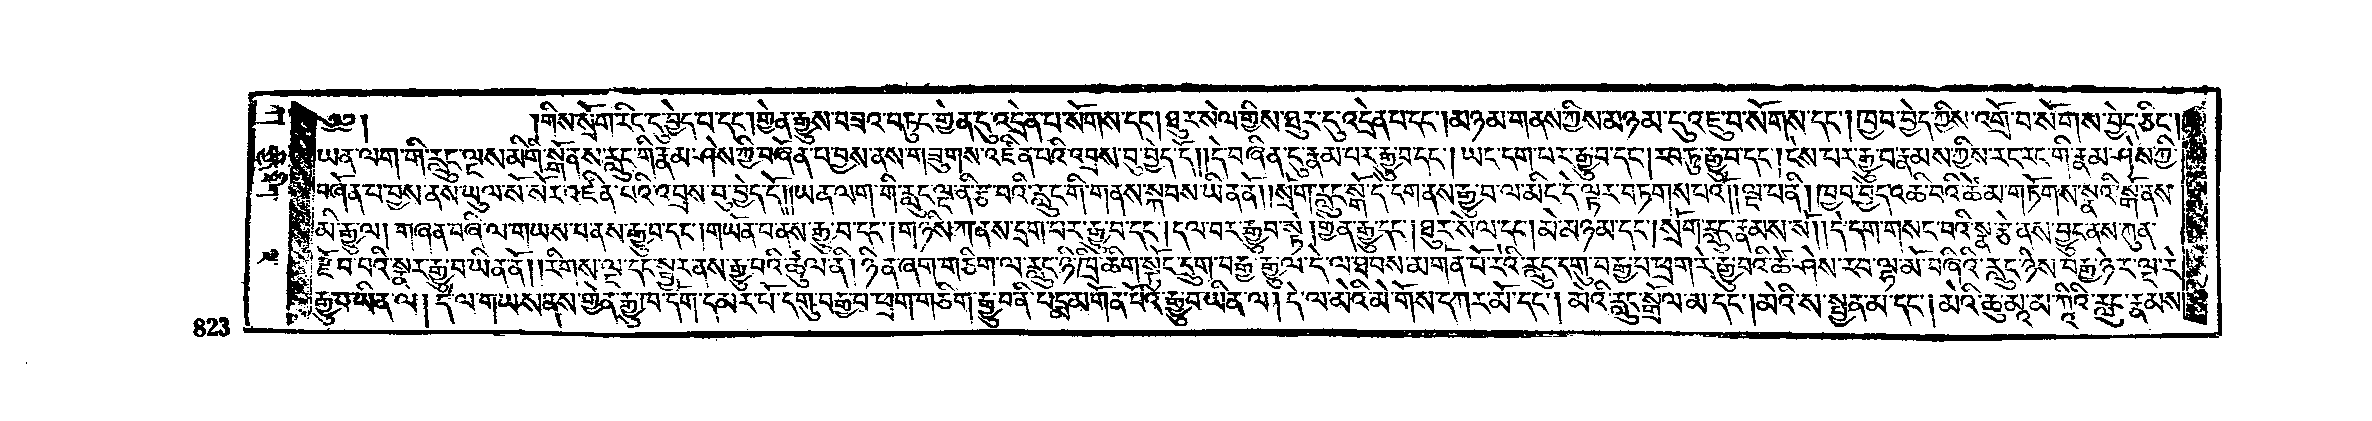༄༅། །གིས་སྲོག་རིང་དུ་བྱེད་པ་དང་། གྱེན་རྒྱུས་བཟའ་བཏུང་གྱེན་དུ་འདྲེན་པ་སོགས་དང་། ཐུར་སེལ་གྱིས་ཐུར་དུ་འདྲེན་པ་དང་། མཉམ་གནས་ཀྱིས་མཉམ་དུ་འཇུ་བ་སོགས་དང་། ཁྱབ་བྱེད་ཀྱིས་འགྲོ་བ་སོགས་བྱེད་ཅིང་།
ཡན་ལག་གི་རླུང་ལྔས་མིག་གི་སྒོ་ནས་རླུང་གི་རྣམ་ཤེས་ཀྱི་བཞིན་པ་བྱས་ནས་གཟུགས་འཛིན་པའི་འབྲས་བུ་བྱེད་དོ། །དེ་བཞིན་དུ་རྣམ་པར་རྒྱུ་བ་དང་། ཡང་དག་པར་རྒྱུ་བ་དང་། རབ་ཏུ་རྒྱུ་བ་དང་། ངེས་པར་རྒྱུ་བ་རྣམས་ཀྱིས་རང་རང་གི་རྣམ་ཤེས་ཀྱི་
བཞོན་པ་བྱས་ནས་ཡུལ་སོ་སོར་འཛིན་པའི་འབྲས་བུ་བྱེད་དོ། །ཡན་ལག་གི་རླུང་ལྔ་ནི་རྩ་བའི་རླུང་གི་གནས་སྐབས་ཡིན་ནོ། །སྲོག་རླུང་སྒོ་དེ་དག་ནས་རྒྱུ་བ་ལ་མིང་དེ་ལྟར་བཏགས་པའོ། །ལྔ་པ་ནི། ཁྱབ་བྱེད་འཆི་བའི་ཚེ་མ་གཏོགས་སྣའི་སྒོ་ནས་
མི་རྒྱུ་ལ། གཞན་བཞི་ལ་གཡས་པ་ནས་རྒྱུ་བ་དང་། གཡོན་པ་ནས་རྒྱུ་བ་དང་། གཉིས་ཀ་ནས་དྲག་པར་རྒྱུ་བ་དང་། དལ་བར་རྒྱུ་བ་སྟེ། གྱེན་རྒྱུ་དང་། ཐུར་སེལ་དང་། མེ་མཉམ་དང་། སྲོག་རླུང་རྣམས་སོ། །དེ་དག་གསང་བའི་སྣ་རྩེ་ནས་བྱུང་ནས་ཀུན་
རྫོབ་པའི་སྣར་རྒྱུ་བ་ཡིན་ནོ། །རིགས་ལྔ་དང་སྦྱར་ནས་རྒྱུ་བའི་ཚུལ་ནི། ཉིན་ཞག་གཅིག་ལ་རླུང་ཉི་ཁྲི་ཆིག་སྟོང་དྲུག་བརྒྱ་རྒྱུ་ལ་དེ་ལ་ཐབས་མགོན་པོ་རེའི་རླུང་དགུ་བརྒྱ་པ་ཕྲག་རེ་རྒྱུ་བའི་ཚེ་ཤེས་རབ་ལྷ་མོ་བཞིའི་རླུང་ཉིས་བརྒྱ་ཉེར་ལྔ་རེ་
རྒྱུ་བ་ཡིན་ལ། དེ་ལ་གཡས་ནས་གྱེན་རྒྱུ་ཁ་དོག་དམར་པོ་དགུ་བརྒྱ་པ་ཕྲག་གཅིག་རྒྱུ་བ་ནི་པདམ་མགོན་པོའི་རྒྱུ་བ་ཡིན་ལ། དེ་ལ་མེའི་མེ་གོས་དཀར་མོ་དང་། མེའི་རླུང་སྒྲོལ་མ་དང་། མེའི་ས་སྤྱན་མ་དང་། མེའི་ཆུ་མཱ་མ་ཀཱིའི་རླུང་རྣམས་